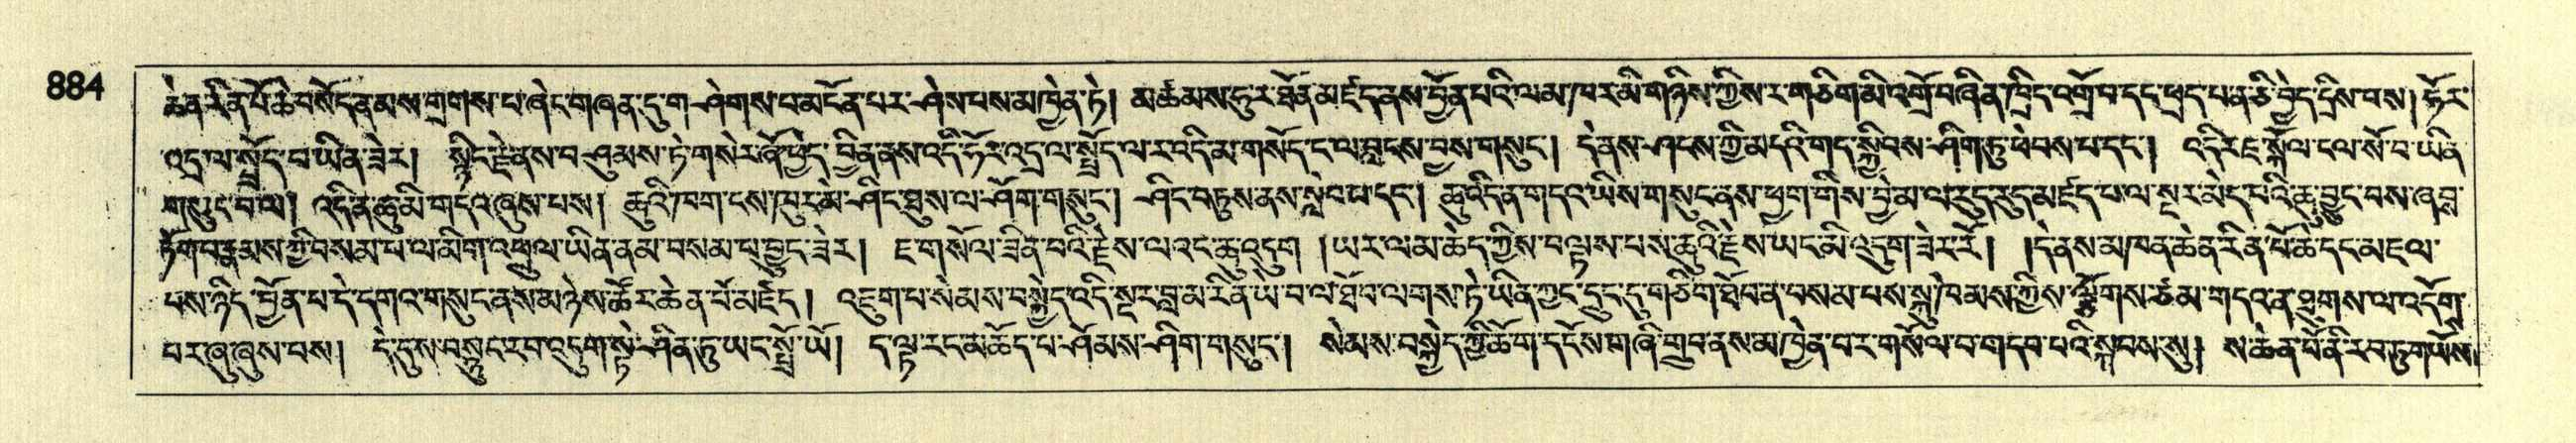ཆེན་རིན་པོ་ཆེ་བསོད་ནམས་གྲགས་པ་ཞེང་གཞན་དུ་གཤེགས་པ་མངོན་པར་ཤེས་པས་མཁྱེན་ཏེ། མཚམས་ཧུ་ར་ཐོན་མཛད་ནས་བྱོན་པའི་ལམ་ཁར་མི་གཉིས་ཀྱིས་ར་གཅིག་མི་འགྲོ་བཞིན་ཁྲིད་འགྲོ་བ་དང་ཕྲད་པ་ན་ཅི་བྱེད་དྲིས་བས། ཧོར་
འདྲ་ལ་སྤྲོད་བ་ཡིན་ཟེར། སྙིང་རྗེ་ནས་བཤུམས་ཏེ་གསེར་ཞོ་ཕྱེད་བྱིན་ནས་འདི་ཧོར་འདྲ་ལ་སྤྲོད་ལ་ར་འདི་མ་གསོད་ང་ལ་བླངས་བྱས་གསུང་། དེ་ནས་ཤངས་ཀྱི་མདའི་གད་སྐྱིབས་ཤིག་ཏུ་ཕེབས་པ་དང་། འདིར་ཇ་སྐོལ་ངལ་སོ་བ་ཡིན་
གསུང་བ་ལ། འདི་ན་ཆུ་མི་གདའ་ཞུས་པས། ཆུའི་ཁག་ངས་ཁུར་མེ་ཤིང་ཐུས་ལ་ཤོག་གསུང་། ཤིང་བཏུས་ནས་སླེབ་པ་དང་། ཆུ་འདི་ན་གདའ་ཡིས་གསུང་ནས་ཕྱག་གིས་བྱེ་མ་ལ་རུད་རུད་མཛད་པ་ལ་སྔར་མེད་པའི་ཆུ་བྱུང་བས་ཞབས་
ཏོག་པ་རྣམས་ཀྱི་བསམ་པ་ལ་མིག་འཕྲུལ་ཡིན་ནམ་བསམ་པ་བྱུང་ཟེར། ཇ་གསོལ་ཟིན་པའི་རྗེས་ལའང་ཆུ་འདུག །ཡར་ལམ་ཆེད་ཀྱིས་བལྟས་པས་ཆུའི་རྗེས་ཡང་མི་འདུག་ཟེར་རོ། །དེ་ནས་མཁན་ཆེན་རིན་པོ་ཆེ་དང་མཇལ་
པས་ཉིད་བྱོན་པ་དེ་དགའ་གསུང་ནས་མཉེས་ཚོར་ཆེན་པོ་མཛད། འཇུག་པ་སེམས་བསྐྱེད་འདི་སྔར་བླ་མ་རིན་ཡེ་བ་ལ་ཐོབ་ལགས་ཏེ་ཡིན་ཀྱང་དྲུང་དུ་གཅིག་ཐོབ་ན་བསམ་པས་སྐུ་ཁེམས་ཀྱིས་ལྕོགས་ཙམ་གདའ་ན་ཐུགས་ལ་འདོགས་
བར་ཞུ་ཞུས་པས། དེ་དུས་བསྙུང་རབ་འདུག་སྟེ་ཤིན་ཏུ་ཡང་སྤྲོ་ཡོ། ད་ལྟ་རང་མཆོད་པ་ཤོམས་ཤིག་གསུང་། སེམས་བསྐྱེད་ཀྱི་ཆོ་ག་དངོས་གཞི་གྲུབ་ནས་མཁྱེན་པར་གསོལ་བ་གདབ་པའི་སྐབས་སུ། ས་ཆེན་པོ་ནི་རབ་ཏུ་གཡོས་